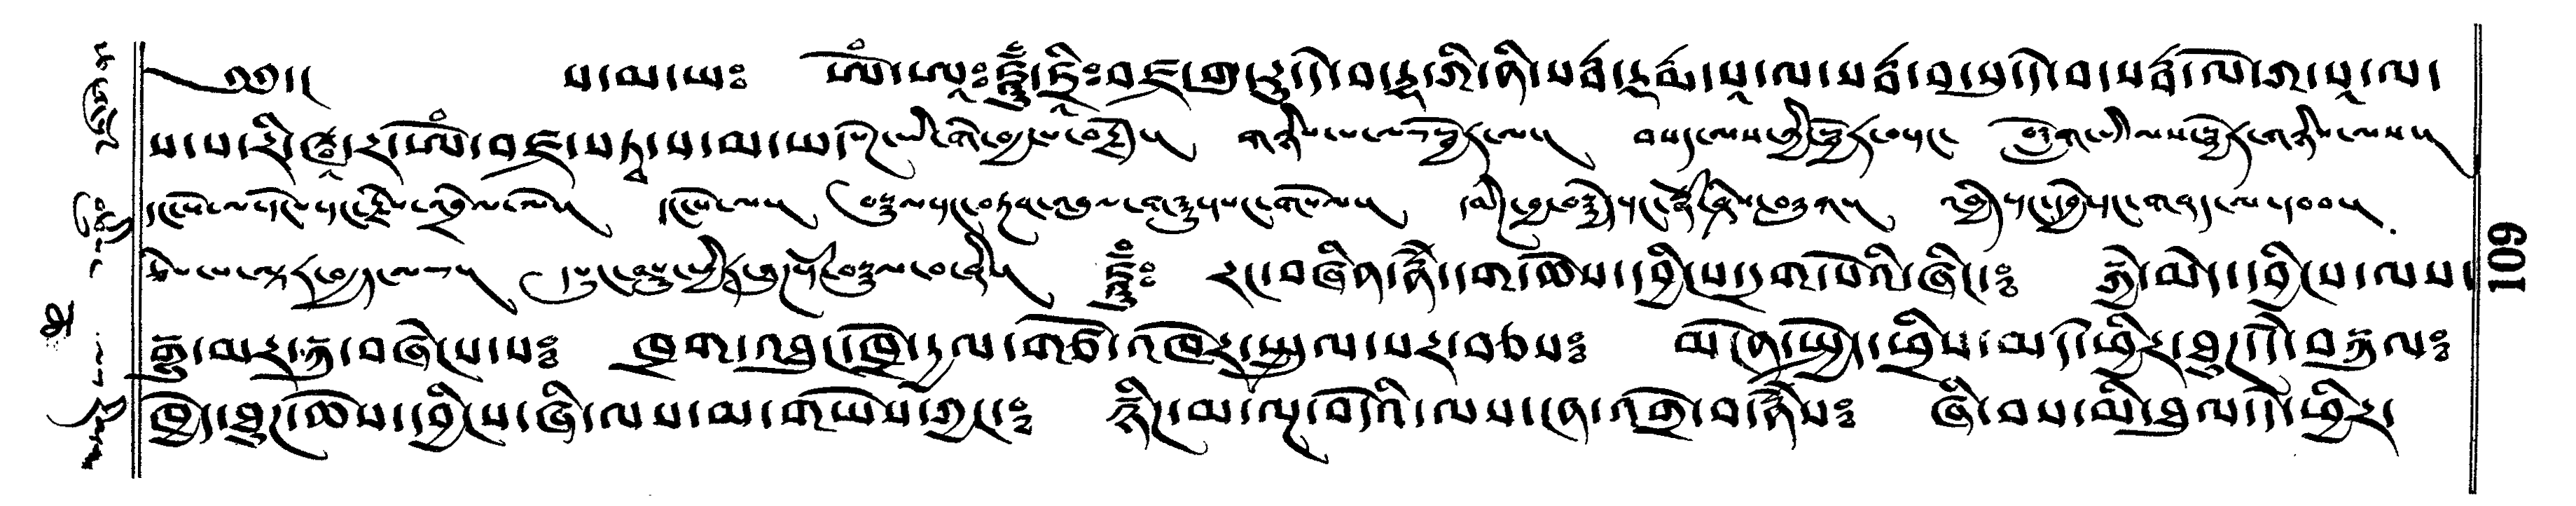མ་ཡ༔ ཨོཾ་ཨཱཿཧཱུྃ་ཧྲཱིཿབཛྲ་གུ་རུ་དཱེ་ཝ་དྷཱ་ཀི་ནི་སརྦ་དྷརྨ་པཱ་ལ་སརྦ་བ་སུ་དེ་ཝ་སརྦ་ལོ་ཀ་པཱ་ལ་
ས་པ་རི་ཝཱ་ར་ཨོཾ་བཛྲ་སཏྭ་ས་མ་ཡ་སོགས་ཡི་གེ་བརྒྱ་པ་བརྗོད། གཉིས་པ་ལས་སྦྱོར་ལ། བསད་ལས་ཀྱི་སྦྱོར་བ་དང་། བཟློག་པའི་ལས་སྦྱོར་གཉིས་ལས། 
དང་པོ་ལ་དངོས་དང་རྗེས་འབྲེལ་ལོ། དང་པོ་ལ། བསྐུལ་དང་བརྔན་འབུལ་གཟུ་དཔང་གསོལ། །དམིགས་བྱ་བསྐྱེད་དང་རྣམ་ཤེས་འགུགས །འགྱེད་དང་དབྱེ་དང་གནད་ལ་དབབ། 
ཅེས་པ་ལྟར་བརྒྱད་ལས། དཔུང་བསྡུ་ཕྱིར་ཐུགས་དམ་བསྐུལ་བ་ནི། ཧཱུྃ༔ རང་བཞིན་རྣམ་དག་ཆོས་དབྱིངས་དྲག་པོའི་ཞིང༔ སྐྱེ་མེད་དབྱིངས་ལས་
སྒྱུ་མའི་སྐུར་བཞེངས་པ༔ ཁྲག་འཐུང་ཁྲོ་རྒྱལ་གཙོ་འཁོར་སྤྲུལ་པར་བཅས༔ མངོན་སྤྱོད་ཕྲིན་ལས་མཛད་ཕྱིར་ཐུགས་དམ་བསྐུལ༔ 
ཁྱེད་ཐུགས་ཆོས་དབྱིངས་ཞི་ལས་མ་གཡོས་ཀྱང༔ སྙིགས་མ་ལྔ་བདོའི་ལས་ངན་འགྲོ་བ་རྣམས༔ ཞི་བས་མི་ཐུལ་དེ་ཕྱིར་